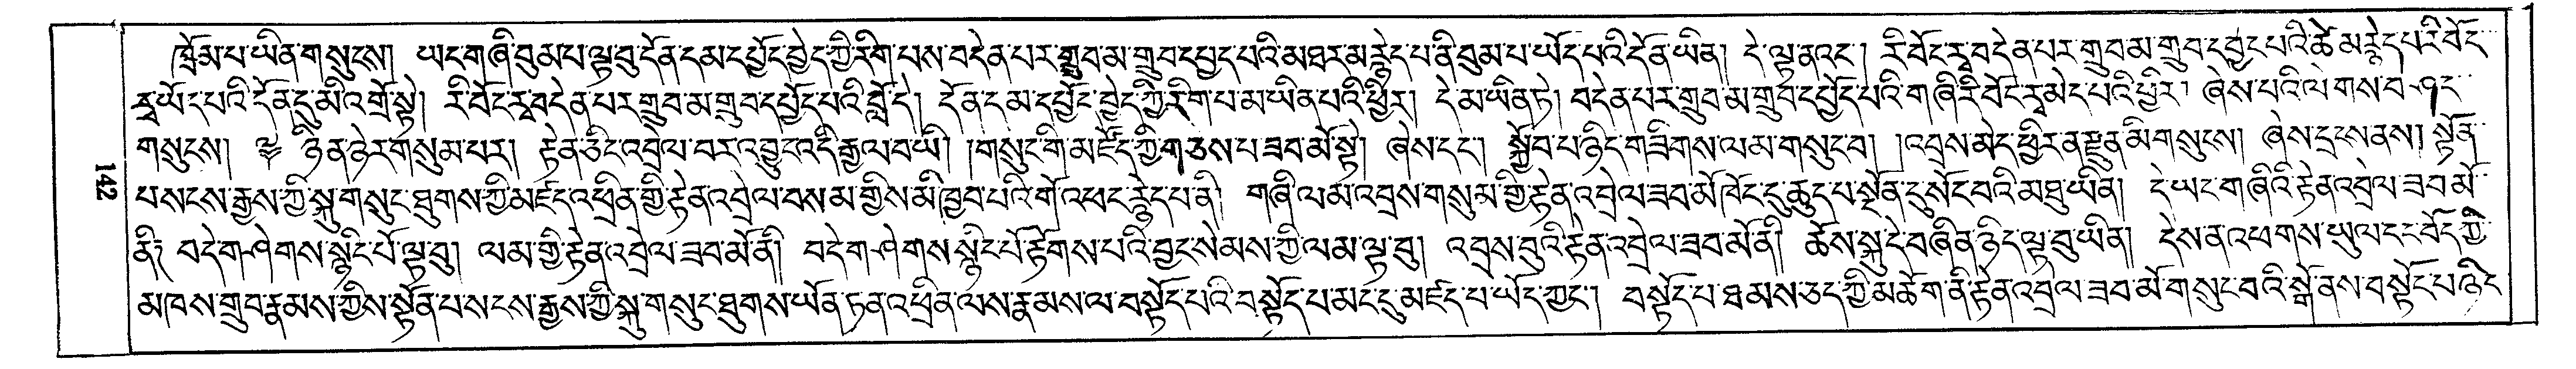ཁྲོམ་པ་ཡིན་གསུངས། ཡང་གཞི་བུམ་པ་ལྟ་བུ་དོན་དམ་དཔྱོད་བྱེད་ཀྱི་རིག་པས་བདེན་པར་གྲུབ་མ་གྲུབ་དབྱད་པའི་མཐར་མ་རྙེད་པ་ནི་བུམ་པ་ཡོད་པའི་དོན་ཡིན། དེ་ལྟ་ནའང་། རི་བོང་རྭ་བདེན་པར་གྲུབ་མ་གྲུབ་དཔྱད་བའི་ཚེ་མ་རྙེད་བ་རི་བོང་
རྭ་ཡོད་པའི་དོན་དུ་མི་འགྲོ་སྟེ། རི་བོང་རྭ་བདེན་པར་གྲུབ་མ་གྲུབ་དཔྱོད་པའི་བློ་དེ། དོན་དམ་དཔྱོད་བྱེད་ཀྱི་རིག་པ་མ་ཡིན་པའི་ཕྱིར། དེ་མ་ཡིན་ཏེ། བདེན་པར་གྲུབ་མ་གྲུབ་དཔྱོད་པའི་གཞི་རི་བོང་རྭ་མེད་པའི་ཕྱིར། ཞེས་པའི་ལེགས་བཤད་
གསུངས། ༈ ཉིན་ཉེར་གསུམ་པར། རྟེན་ཅིང་འབྲེལ་པར་འབྱུང་འདི་རྒྱལ་བ་ཡི། །གསུང་གི་མཛོད་ཀྱི་གཅེས་པ་ཟབ་མོ་སྟེ། ཞེས་དང་། སྐྱོབ་པ་ཉིད་གཟིགས་ལམ་གསུང་བ། །འབྲས་མེད་ཕྱིར་ན་རྫུན་མི་གསུངས། ཞེས་དྲངས་ནས། སྟོན་
པ་སངས་རྒྱས་ཀྱི་སྐུ་གསུང་ཐུགས་ཀྱི་མཛད་འཕྲིན་གྱི་རྟེན་འབྲེལ་བསམ་གྱིས་མི་ཁྱབ་པའི་གོ་འཕང་རྙེད་པ་ནི། གཞི་ལམ་འབྲས་གསུམ་གྱི་རྟེན་འབྲེལ་ཟབ་མོ་ཁོང་དུ་ཆུད་བ་སྔོན་དུ་སོང་བའི་མཐུ་ཡིན། དེ་ཡང་གཞིའི་རྟེན་འབྲེལ་ཟབ་མོ་
ནི། བདེ་གཤེགས་སྙིང་པོ་ལྟ་བུ། ལམ་གྱི་རྟེན་འབྲེལ་ཟབ་མོ་ནི། བདེ་གཤེགས་སྙིང་པོ་རྟོགས་པའི་བྱང་སེམས་ཀྱི་ལམ་ལྟ་བུ། འབྲས་བུའི་རྟེན་འབྲེལ་ཟབ་མོ་ནི། ཆོས་སྐུ་དེ་བཞིན་ཉིད་ལྟ་བུ་ཡིན། དེས་ན་འཕགས་ཡུལ་དང་བོང་ཀྱི་
མཁས་གྲུབ་རྣམས་ཀྱིས་སྟོན་པ་སངས་རྒྱས་ཀྱི་སྐུ་གསུང་ཐུགས་ཡོན་ཏན་འཕྲིན་ལས་རྣམས་ལ་བསྟོད་པའི་བསྟོང་པ་མང་དུ་མཛད་པ་ཡོད་ཀྱང་། བསྟོད་པ་ཐམས་ཅད་ཀྱི་མཆོག་ནི་རྟེན་འབྲེལ་ཟབ་མོ་གསུང་བའི་སྒོ་ནས་བསྟོད་པ་ཉིད་